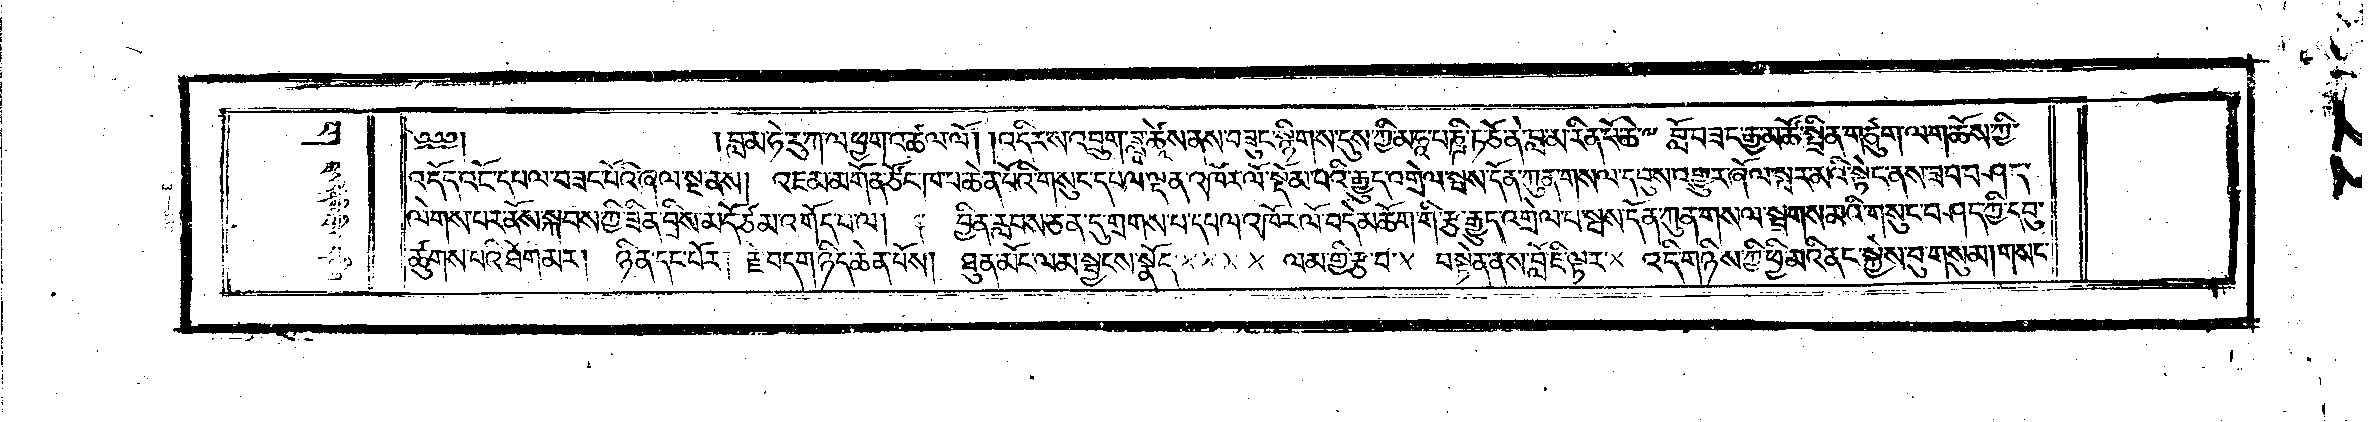༄༅༅། །བླ་མ་ཧེ་རུ་ཀ་ལ་ཕྱག་འཚལ་ལོ། །འདིར་ས་འབྲུག་ཟླ༥་ཚེས༢་ནས་བཟུང་སྙིགས་དུས་ཀྱི་མཧཱ་པཎྜི་ཏ་ཅོ་ནེ་བླ་མ་རིན་པོ་ཆེ ༧་བློ་བཟང་རྒྱ་མཚོ་སྦྲིན་གཙུག་ལག་ཆོས་ཀྱི་
འདོད་འཇོ་དཔལ་བཟང་པོའི་ཞལ་སྔ་ནས། འཇམ་མགོན་ཙོང་ཁ་པ་ཆེན་པོའི་གསུང་དཔལ་ལྡན་འཁོར་ལོ་སྡོམ་པའི་རྒྱུད་འགྲེལ་སྦས་དོན་ཀུན་གསལ་དབུས་འགྱུར་ཞོལ་སྦར་མའི་སྟེང་ནས་ཟབ་བཤད་
ལེགས་པར་ནོས་སྐབས་ཀྱི་ཟིན་བྲིས་མདོ་ཙམ་འགོད་པ་ལ། ༈ བྱིན་རླབས་ཅན་དུ་གྲགས་པ་དཔལ་འཁོར་ལོ་བདེ་མཆོག་གི་རྩ་རྒྱུད་འགྲེལ་པ་སྦས་དོན་ཀུན་གསལ་སྦྲགས་མའི་གསུང་བཤད་ཀྱི་དབུ་
ཚུགས་པའི་ཐོག་མར། ཉིན་དང་པོར། རྗེ་བདག་ཉིད་ཆེན་པོས། ཐུན་མོང་ལམ་སྦྱངས་སྣོད་྾྾྾྾་ལམ་གྱི་རྩ་བ྾་བསྟེན་ནས་བློ་ཇི་ལྟར྾་འདི་གཉིས་ཀྱི་ཕྱི་མའི་ནང་སྐྱེས་བུ་གསུམ། གསང་